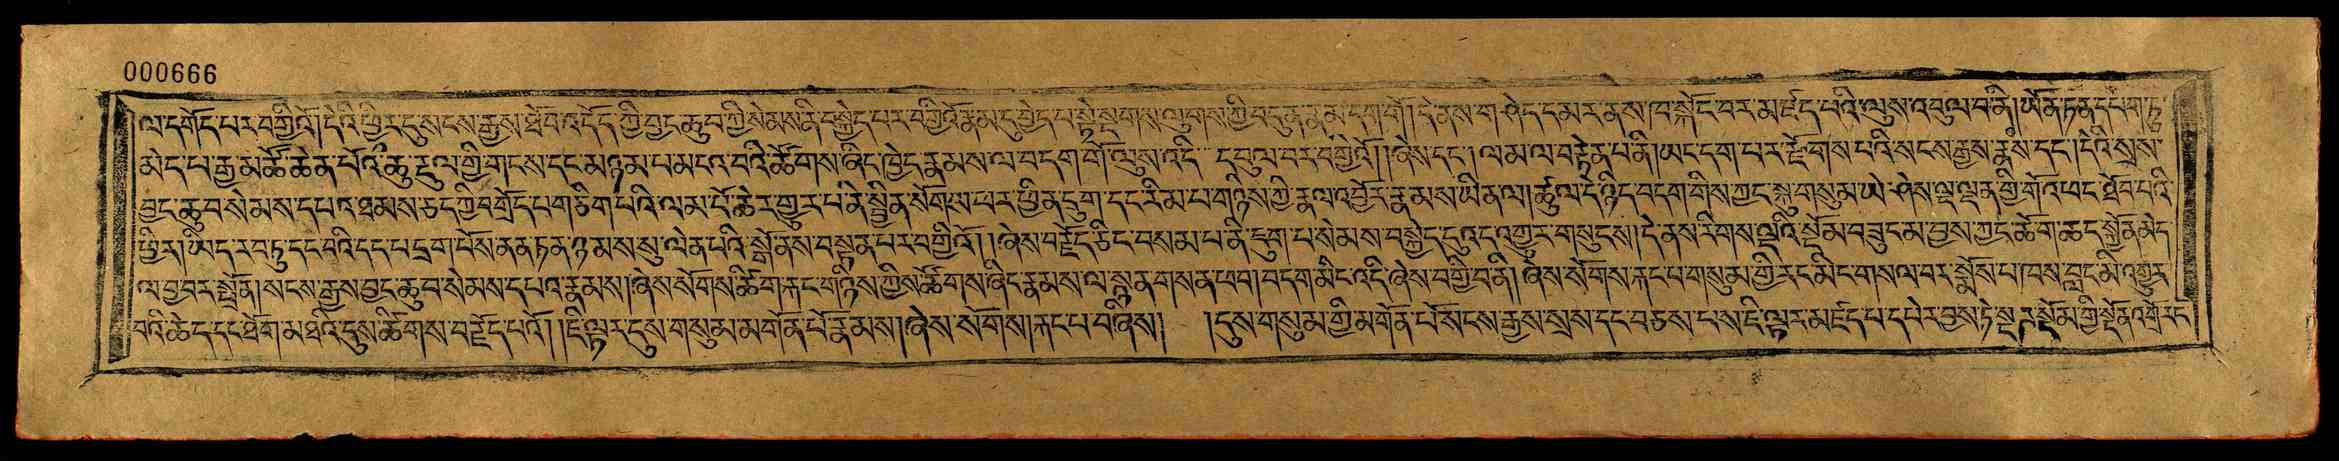ལ་དགོད་པར་བགྱིའོ། །དེའི་ཕྱིར་དུ་སངས་རྒྱས་ཐོབ་འདོད་ཀྱི་བྱང་ཆུབ་ཀྱི་སེམས་ནི་བསྐྱེད་པར་བགྱིའོ་སྙམ་དུ་བྱེད་པ་སྟེ་སྔགས་ལུགས་ཀྱི་བདུན་རྣམ་དག་གོ །དེ་ནས་གཤེད་དམར་ནས་ཁ་སྐོང་བར་མཛད་པའི་ལུས་འབུལ་བ་ནི། ཡོན་ཏན་དཔག་ཏུ་མེད་
པ་རྒྱ་མཚོ་ཆེན་པོའི་ཆུ་རྡུལ་གྱི་གྲངས་དང་མཉམ་པ་མངའ་བའི་ཚོགས་ཞིང་ཁྱེད་རྣམས་ལ་བདག་གི་ལུས་འདི་དབུལ་བར་བགྱིའོ། །ཞེས་དང་། ལམ་ལ་བརྟེན་པ་ནི། ཡང་དག་པར་རྫོགས་པའི་སངས་རྒྱས་རྣམས་དང་། དེའི་སྲས་བྱང་ཆུབ་སེམས་
དཔའ་ཐམས་ཅད་ཀྱི་བགྲོད་པ་གཅིག་པའི་ལམ་པོ་ཆེར་གྱུར་པ་ནི་སྦྱིན་སོགས་ཕར་ཕྱིན་དྲུག་དང་རིམ་པ་གཉིས་ཀྱི་རྣལ་འབྱོར་རྣམས་ཡིན་ལ། ཚུལ་དེ་ཉིད་བདག་གིས་ཀྱང་སྐུ་གསུམ་ཡེ་ཤེས་ལྔ་ལྡན་གྱི་གོ་འཕང་ཐོབ་པའི་ཕྱིར། ཡིད་རབ་ཏུ་
དྭད་པའི་དད་པ་དྲག་པོས་ནན་ཏན་ཉམས་སུ་ལེན་པའི་སྒོ་ནས་བསྟེན་པར་བགྱིའོ། །ཞེས་བརྗོད་ཅིང་བསམ་པ་ནི་འཇུག་པ་སེམས་བསྐྱེད་དུའང་འགྱུར་གསུངས། དེ་ནས་རིགས་ལྔའི་སྡོམ་བཟུང་མ་བྱས་ཀྱང་ཆོ་ག་ཆད་སྐྱོན་མེད་ལ་བྱ་བར་སྤྲོ་ན་
སངས་རྒྱས་བྱང་ཆུབ་སེམས་དཔའ་རྣམས། ཞེས་སོགས་ཚིག་རྐང་གཉིས་ཀྱིས་ཚོགས་ཞིང་རྣམས་ལ་སྙན་གསན་ཕབ། བདག་མིང་འདི་ཞེས་བགྱི་བ་ནི། ཞེས་སོགས་རྐང་པ་གསུམ་གྱིས་རང་མིང་གསལ་བར་སྨོས་པ་ཁས་བླང་མི་འགྱུར་བའི་
ཆེད་དང་ཐོག་མཐའི་དུས་ཚིགས་བརྗོད་པའོ། །ཇི་ལྟར་དུས་གསུམ་མགོན་པོ་རྣམས། ཞེས་སོགས་རྐང་པ་བཞིས། དུས་གསུམ་གྱི་མགོན་པོ་སངས་རྒྱས་སྲས་དང་བཅས་པས་ཇི་ལྟར་མཛད་པ་དཔེར་བྱས་ཏེ་སྔགས་སྡོམ་གྱི་སྔོན་འགྲོར་རང་